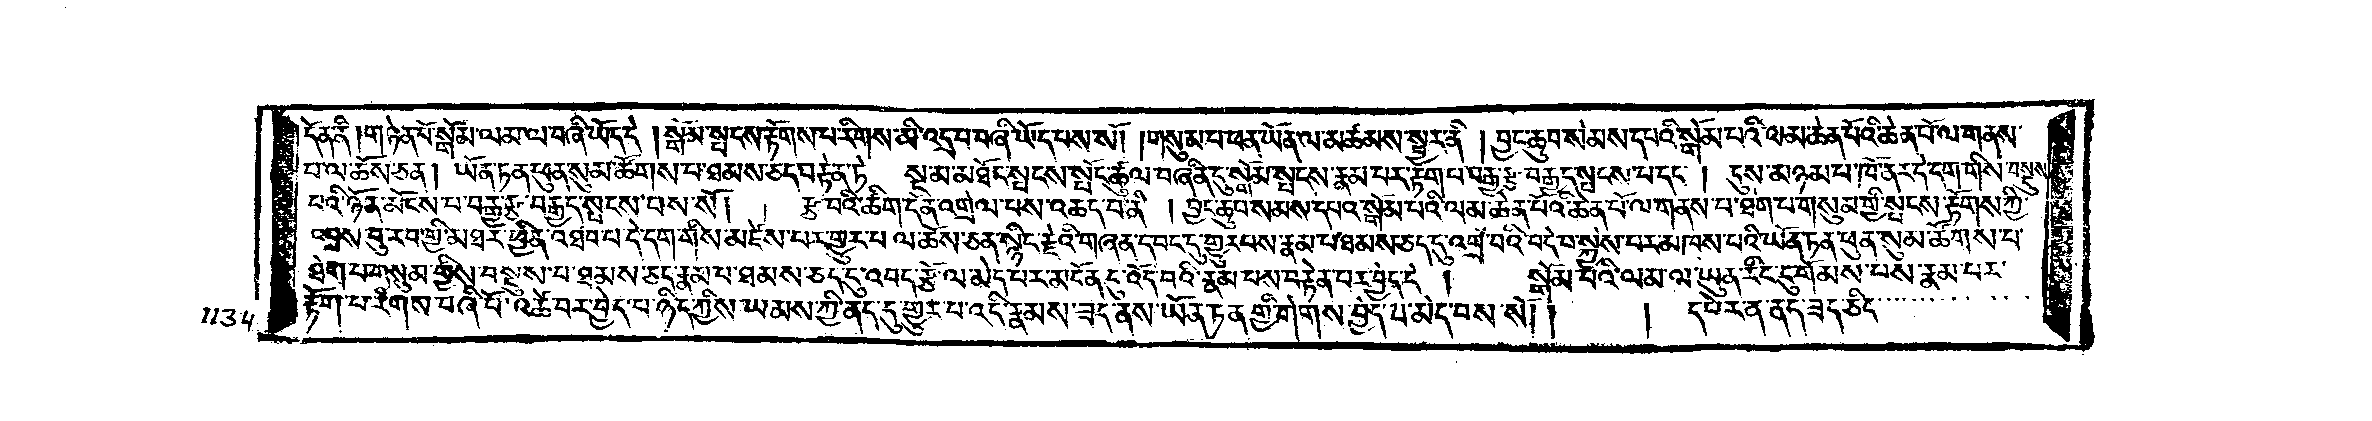དོན་ནི། གཉེན་པོ་སྒོམ་ལམ་ལ་བཞི་ཡོད་དེ། སྒོམ་སྤངས་རྟོགས་པ་རིགས་མི་འདྲ་བ་བཞི་ཡོད་པས་སོ། །གསུམ་པ་ཕན་ཡོན་ལ་མཚམས་སྦྱར་ནི། བྱང་ཆུབ་སེམས་དཔའི་སྒོམ་པའི་ལམ་ཆེན་པོའི་ཆེན་པོ་ལ་གནས་
པ་ལ་ཆོས་ཅན། ཡོན་ཏན་ཕུན་སུམ་ཚོགས་པ་ཐམས་ཅད་བརྟེན་ཏེ། སྔ་མ་མཐོང་སྤངས་སྤོང་ཚུལ་བཞིན་དུ་སྒོམ་སྤངས་རྣམ་པར་རྟོག་པ་བརྒྱ་རྩ་བརྒྱད་སྤངས་པ་དང་། དུས་མཉམ་པ་ཁོ་ནར་དེ་དག་གིས་བསྡུས་
པའི་ཉོན་མོངས་པ་བརྒྱ་རྩ་བརྒྱད་སྤངས་པས་སོ། །རྩ་བའི་ཚིག་དོན་འགྲེལ་པས་འཆད་པ་ནི། བྱང་ཆུབ་སེམས་དཔའ་སྒོམ་པའི་ལམ་ཆེན་པོའི་ཆེན་པོ་ལ་གནས་པ་ཐེག་པ་གསུམ་གྱི་སྤངས་རྟོགས་ཀྱི་
འབྲས་བུ་རབ་གྱི་མཐར་ཕྱིན་འཐོབ་པ་དེ་དག་གིས་མཛེས་པར་གྱུར་པ་ལ་ཆོས་ཅན་སྙིང་རྗེའི་གཞན་དབང་དུ་གྱུར་པས་རྣམ་པ་ཐམས་ཅད་དུ་འགྲོ་བའི་བདེ་བ་སྐྱེས་པར་མཁས་པའི་ཡོན་ཏན་ཕུན་སུམ་ཚོགས་པ་
ཐེག་པ་གསུམ་གྱིས་བསྡུས་པ་ཐམས་ཅད་རྣམ་པ་ཐམས་ཅད་དུ་འབད་རྩོལ་མེད་པར་མངོན་དུ་འོད་པའི་རྣམ་པས་བརྟེན་པར་བྱེད་དེ། སྒོམ་པའི་ལམ་ལ་ཡུན་རིང་དུ་གོམས་པས་རྣམ་པར་
རྟོག་པ་རིགས་བཞི་པོ་འཚེ་བར་བྱེད་པ་ཉིད་ཀྱིས་ཡམས་ཀྱི་ནད་དུ་གྱུར་པ་འདི་རྣམས་ཟད་ནས་ཡོན་ཏན་གྱི་གེགས་བྱེད་པ་མེད་པས་སོ།། །དཔེར་ན་ནད་ཟད་ཅིང་